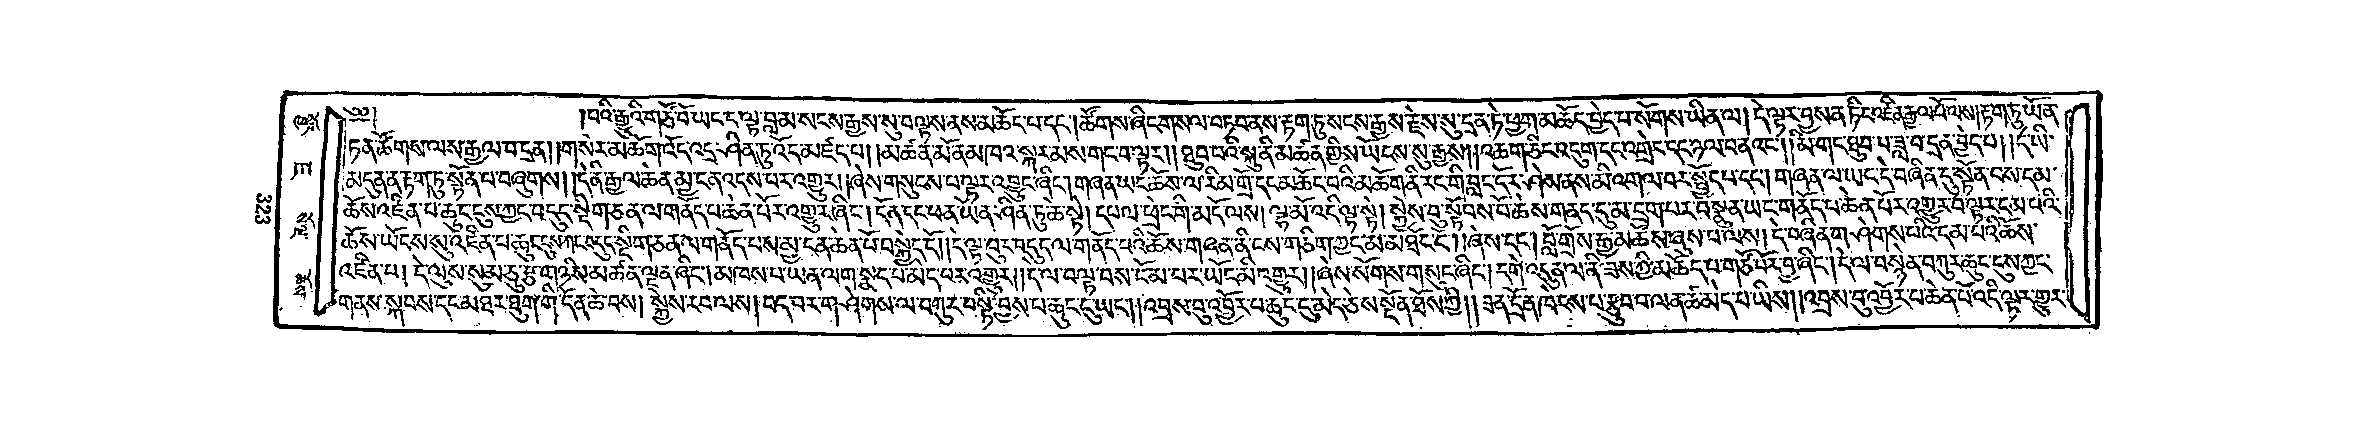༄༅། །པའི་རྒྱུའི་གཙོ་བོ་ཡང་ད་ལྟ་བླ་མ་སངས་རྒྱས་སུ་བལྟས་ནས་མཆོད་པ་དང་། ཚོགས་ཞིང་གསལ་བཏབ་ནས་རྟག་ཏུ་སངས་རྒྱས་རྗེས་སུ་དྲན་ཏེ་ཕྱག་མཆོད་བྱེད་པ་སོགས་ཡིན་ལ། དེ་ལྟར་བྱས་ན་ཏིང་འཛིན་རྒྱལ་པོ་ལས། རྟག་ཏུ་ཡོན་
ཏན་ཚོགས་ལས་རྒྱལ་བ་དྲན། །གསེར་མཆོག་འོད་འདྲ་ཤིན་ཏུ་འོད་མཛད་པ། །མཚན་མོ་ནམ་མཁའ་སྐར་མས་གང་བ་ལྟར། །ཐུབ་པའི་སྐུ་ནི་མཚན་གྱིས་ཡོངས་སུ་རྒྱས། །འཆག་ཅིང་འདུག་དང་འགྲེང་དང་ཉལ་བ་ནའང་། །མི་གང་ཐུབ་པ་ཟླ་བ་དྲན་བྱེད་པ། །དེ་ཡི་
མདུན་ན་རྟག་ཏུ་སྟོན་པ་བཞུགས། །དེ་ནི་རྒྱལ་ཆེན་མྱ་ངན་འདས་པར་འགྱུར། །ཞེས་གསུངས་པ་ལྟར་འབྱུང་ཞིང་། གཞན་ཡང་ཆོས་ལ་རིམ་གྲོ་དང་མཆོད་པའི་མཆོག་ནི་རང་གི་བླང་དོར་ཤེས་ནས་མི་འགལ་བར་སྤྱོད་པ་དང་། གཞན་ལ་ཡང་དེ་བཞིན་དུ་སྟོན་པས་དམ་
ཆོས་འཛིན་པ་ཆུང་ངུས་ཀྱང་བདུད་སྡིག་ཅན་ལ་གནོད་པ་ཆེན་པོར་འགྱུར་ཞིང་། དོན་དང་ཕན་ཡོན་ཤིན་ཏུ་ཆེ་སྟེ། དཔལ་ཕྲེང་གི་མདོ་ལས། ལྷ་མོ་འདི་ལྟ་སྟེ། སྐྱེས་བུ་སྟོབས་པོ་ཆེས་གནད་དུ་མ་དྲག་པར་བསྣུན་ཡང་གནོད་པ་ཆེན་པོར་འགྱུར་བ་ལྟར་དམ་པའི་
ཆོས་ཡོངས་སུ་འཛིན་པ་ཆུང་ངུས་ཀང་བདུད་སྡིག་ཅན་ལ་གནོད་པས་མྱ་ངན་ཆེན་པོ་བསྐྱེད་དོ། །དེ་ལྟ་བུར་བདུད་ལ་གནོད་པའི་ཆོས་གཞན་ནི་ངས་གཅིག་ཀྱང་མ་མཐོང་ངོ། །ཞེས་དང་། བློ་གྲོས་རྒྱ་མཚོས་ཞུས་པ་ལས། དེ་བཞིན་གཤེགས་པའི་དམ་པའི་ཆོས་
འཛིན་པ། དེ་ལུས་སུམ་ཅུ་རྩ་གཉིས་མཚན་ལྡན་ཞིང་། མཁས་པ་ཡན་ལག་སྣང་པ་མེད་པར་འགྱུར། །དེ་ལ་བལྟ་བས་ངོམ་པར་ཡོང་མི་འགྱུར། །ཞེས་སོགས་གསུང་ཞིང་། དགེ་འདུན་ལ་ནི་ཟས་ཀྱི་མཆོད་པ་གཙོ་བོར་བྱ་ཞིང་། དེ་ལ་བསྙེན་བཀུར་ཆུང་ངུས་ཀྱང་
གནས་སྐབས་དང་མཐར་ཐུག་གི་དོན་ཆེ་བས། སྐྱེས་རབ་ལས། བདེ་བར་གཤེགས་ལ་བཀུར་བསྟི་བྱས་པ་ཆུང་ངུ་ཡང་། །འབྲས་བུ་འབྱོར་བ་ཆུང་ངུ་མེད་ཅེས་སྔོན་ཐོས་ཀྱི། །ཟན་དྲོན་ཁེངས་པ་རྩུབ་པ་ལན་ཚ་མེད་པ་ཡིས། །འབྲས་བུ་འབྱོར་པ་ཆེན་པོ་འདི་ལྟར་གྱུར་